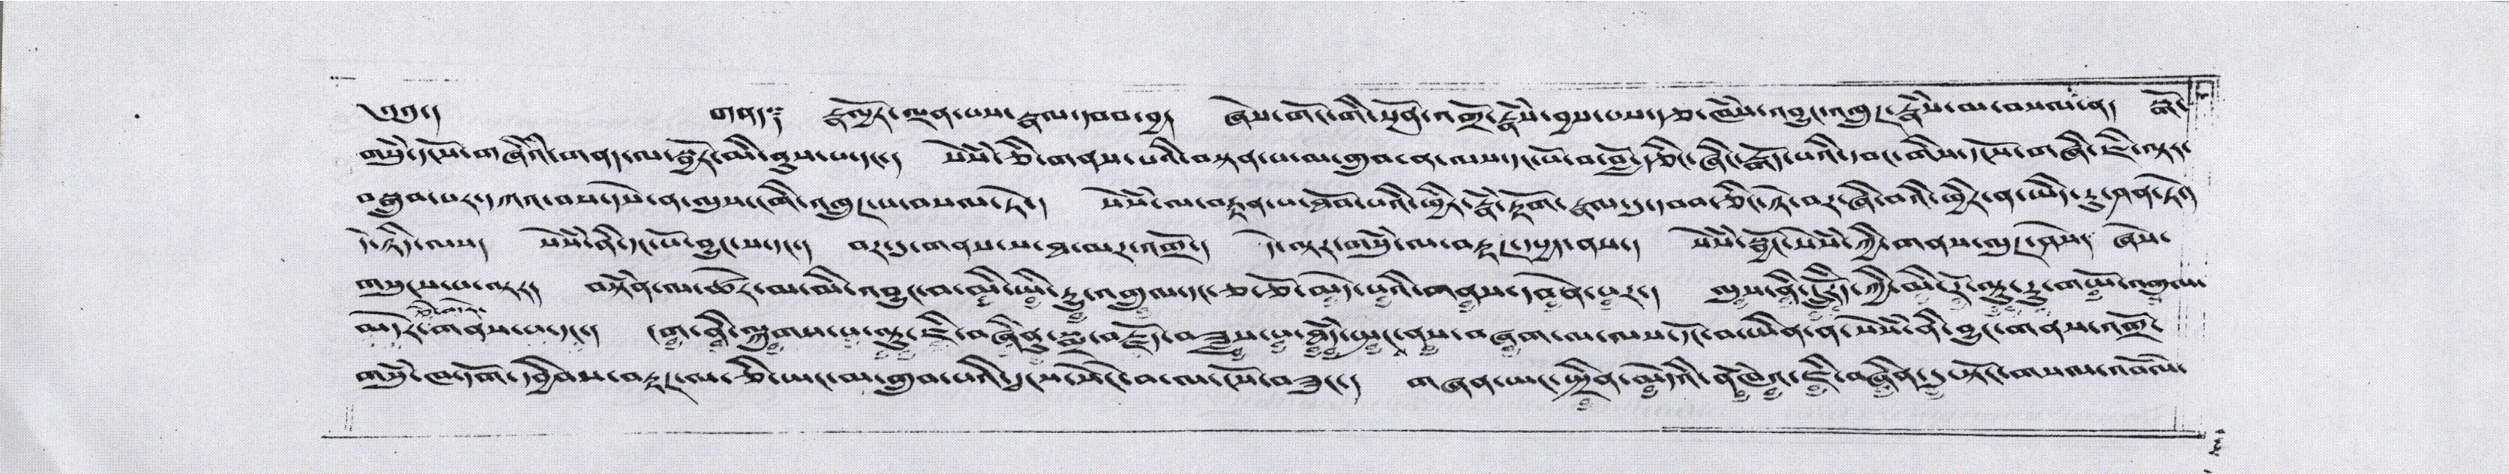གནད། རྣལ་འབྱོར་ལྡན་པས་རྣལ་དབབ་བྱ། ཞེས་གོང་གི་སྔོན་འགྲོ་རྣམས་བྱས་པས་རྩ་ཁམས་འབྱུང་འཁྲུག་རྣམས་མ་བསལ་ན། སྒོ་
གསུམ་དངོས་གཞིའི་གནད་ལ་སྦྱོར་མི་ནུས་པ་དང་། སེམས་ཅི་གནས་པའི་བརྟན་པ་མ་གྲུབ་ན་ལས་དང་པོ་བ་བློ་རྩིང་ཞིང་རྒོད་པའི་དབང་གིས་དངོས་གཞི་ཇི་ལྟར་
བསྒྲུབ་པར་དཀའ་བས་དེས་ན་ལུས་ངག་གི་འཁྲུགས་པ་བསལ་ཏེ། སེམས་ལ་བརྟན་པ་ཐོབ་པའི་ཕྱིར་རྣམ་རྟོག་རྣལ་དུ་དབབ་སྟེ་ཉེ་བར་ཞི་བའི་ཕྱིར་ན་ཡིད་རུ་ཤན་ཏེ། 
དེ་ཉིད་ལས། སེམས་ནི་དང་པོ་བྱུང་ས་དང་། བར་དུ་གནས་ས་ཐ་མར་འགྲོ། དེ་ལྟར་གསུམ་ལ་བརྟགས་དཔྱད་ནས། སེམས་སྦྱོང་སེམས་ཀྱི་གནས་ལུགས་ཤེས། ཞེས་
གསུངས་པ་ལྟར། བསམ་གཏན་ལ་ཚེར་མ་མི་འབྱུང་བ་མི་ཡི་རྒྱུ་འགྲུལ་དང་ཅ་ཅོ་མེད་པའི་གནས་དབེན་པར་ལུས་ནི་དུར་ཁྲོད་ཀྱི་མི་རོ་ལྟ་བུ་རུ་གཡོ་འགུལ་
མདོར་མེད་པར་ཅི་བདེར་གནས་པ་དང་། ངག་ནི་ལྐུགས་པ་ཇི་བཞིན་དུ་སྨྲ་བརྗོད་བཟླས་པ་ཐམས་ཅད་སྤངས་ནས་བཞག་ལ་ལས་དང་པོ་བ་ཡིན་ན་སེམས་ཀྱི་བྱུང་གནས་འགྲོ་
གསུམ་ཁ་དོག་དབྱིབས་བརྟག་ལ་ཅི་ཡང་མ་གྲུབ་པའི་དྭངས་སེང་ངེ་བ་ལ་ངོས་བཟུང་། གཞན་ཡང་སྤྲིན་མེད་པའི་ནམ་མཁའ་ཇི་བཞིན་དུ་སྟོང་གསལ་འབོལ་ལེ་